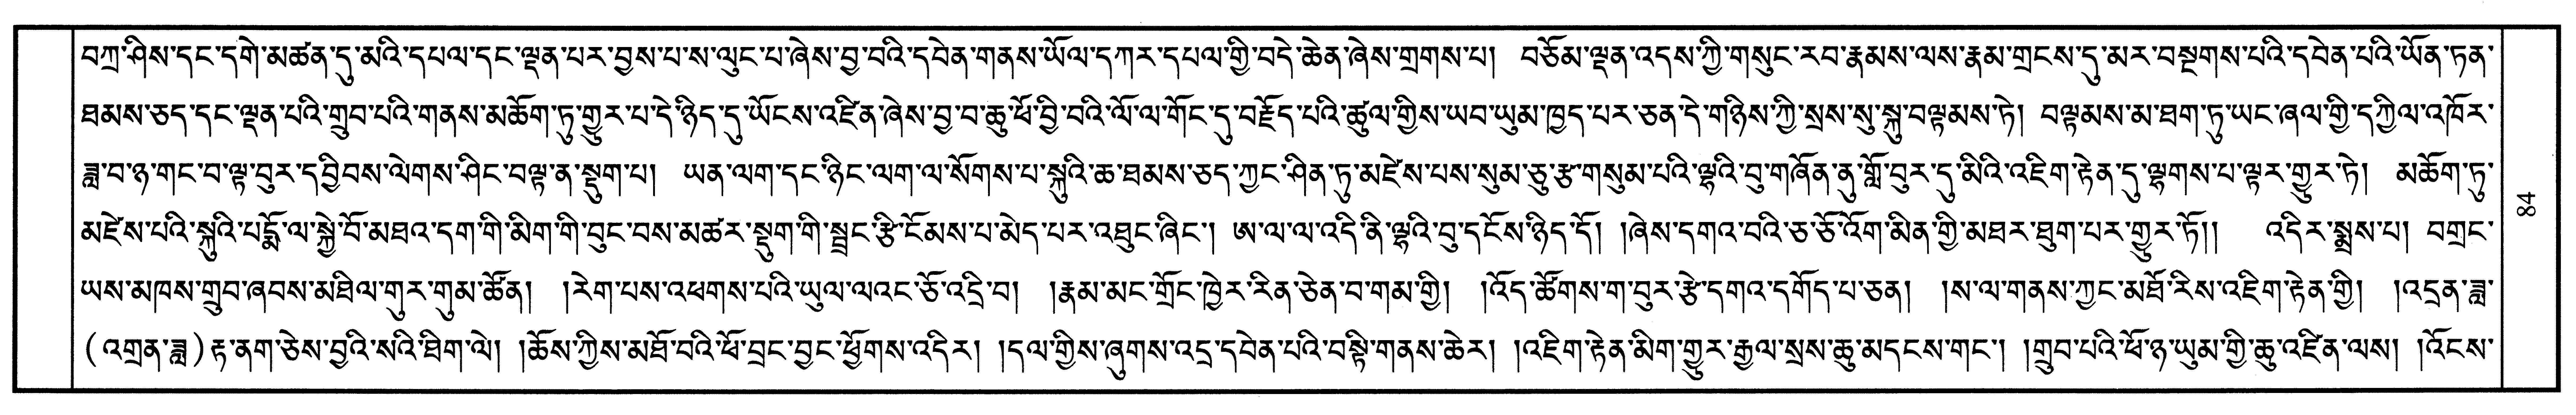བཀྲ་ཤིས་དང་དགེ་མཚན་དུ་མའི་དཔལ་དང་ལྡན་པར་བྱས་པ་ས་ལུང་པ་ཞེས་བྱ་བའི་དབེན་གནས་ཡོལ་དཀར་དཔལ་གྱི་བདེ་ཆེན་ཞེས་གྲགས་པ། བཅོམ་ལྡན་འདས་ཀྱི་གསུང་རབ་རྣམས་ལས་རྣམ་གྲངས་དུ་མར་བསྔགས་པའི་དབེན་པའི་ཡོན་ཏན་
ཐམས་ཅད་དང་ལྡན་པའི་གྲུབ་པའི་གནས་མཆོག་ཏུ་གྱུར་པ་དེ་ཉིད་དུ་ཡོངས་འཛིན་ཞེས་བྱ་བ་ཆུ་ཕོ་བྱི་བའི་ལོ་ལ་གོང་དུ་བརྗོད་པའི་ཚུལ་གྱིས་ཡབ་ཡུམ་ཁྱད་པར་ཅན་དེ་གཉིས་ཀྱི་སྲས་སུ་སྐུ་བལྟམས་ཏེ། བལྟམས་མ་ཐག་ཏུ་ཡང་ཞལ་གྱི་དཀྱིལ་འཁོར་
ཟླ་བ་ཉ་གང་བ་ལྟ་བུར་དབྱིབས་ལེགས་ཤིང་བལྟ་ན་སྡུག་པ། ཡན་ལག་དང་ཉིང་ལག་ལ་སོགས་པ་སྐུའི་ཆ་ཐམས་ཅད་ཀྱང་ཤིན་ཏུ་མཛེས་པས་སུམ་ཅུ་རྩ་གསུམ་པའི་ལྷའི་བུ་གཞོན་ནུ་གློ་བུར་དུ་མིའི་འཇིག་རྟེན་དུ་ལྷགས་པ་ལྟར་གྱུར་ཏེ། མཆོག་ཏུ་
མཛེས་པའི་སྐུའི་པདམོ་ལ་སྐྱེ་བོ་མཐའ་དག་གི་མིག་གི་བུང་བས་མཚར་སྡུག་གི་སྦྲང་རྩི་ངོམས་པ་མེད་པར་འཐུང་ཞིང་། ཨ་ལ་ལ་འདི་ནི་ལྷའི་བུ་དངོས་ཉིད་དོ། །ཞེས་དགའ་བའི་ཅ་ཅོ་འོག་མིན་གྱི་མཐར་ཐུག་པར་གྱུར་ཏོ།། འདིར་སྨྲས་པ། བགྲང་
ཡས་མཁས་གྲུབ་ཞབས་མཐིལ་གུར་གུམ་ཚོན། །རེག་པས་འཕགས་པའི་ཡུལ་ལའང་ཅོ་འདྲི་བ། །རྣམ་མང་གྲོང་ཁྱེར་རིན་ཅེན་བ་གམ་གྱི། །འོད་ཚོགས་ག་བུར་རྩེ་དགའ་དགོད་པ་ཅན། །ས་ལ་གནས་ཀྱང་མཐོ་རིས་འཇིག་རྟེན་གྱི། །འདྲན་ཟླ་
འགྲན་ཟླ་རྟ་ནག་ཅེས་བྱའི་སའི་ཐིག་ལེ། །ཆོས་ཀྱིས་མཐོ་བའི་ཕོ་བྲང་བྱང་ཕྱོགས་འདིར། །དལ་གྱིས་ཞུགས་འདྲ་དབེན་པའི་བསྟི་གནས་ཆེར། །འཇིག་རྟེན་མིག་གྱུར་རྒྱལ་སྲས་ཆུ་མདངས་གང་། །གྲུབ་པའི་ཕོ་ཉ་ཡུམ་གྱི་ཆུ་འཛིན་ལས། །འོངས་